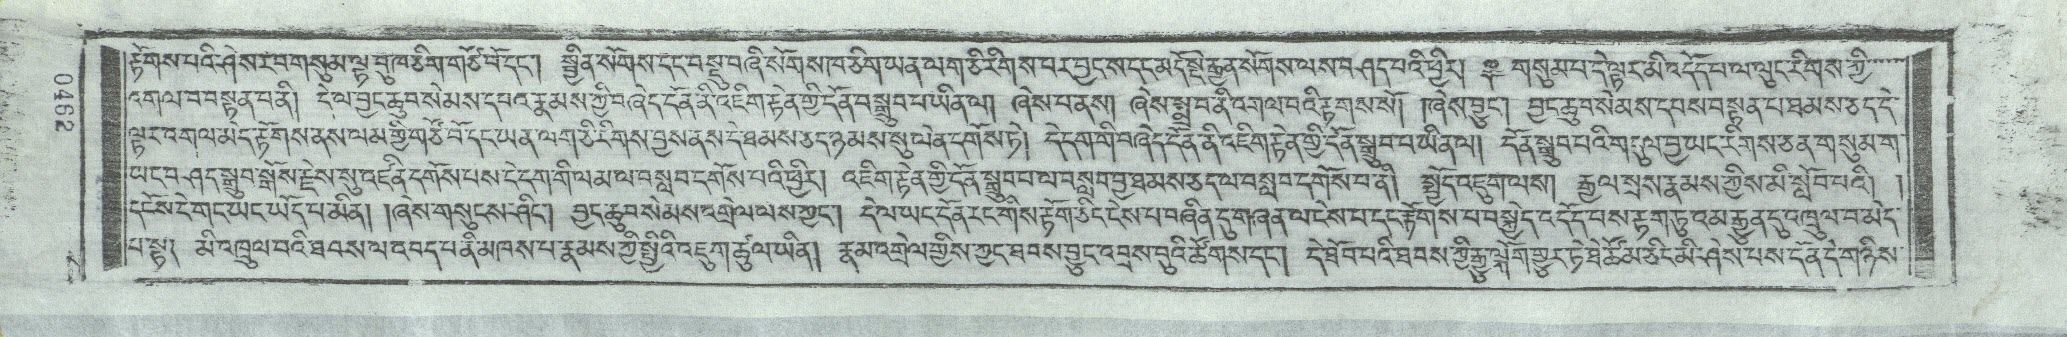རྟོགས་པའི་ཤེས་རབ་གསུམ་ལྟ་བུ་ཁ་ཅིག་གཙོ་བོ་དང་། སྦྱིན་སོགས་དང་བསྡུ་བཞི་སོགས་ཁ་ཅིག་ཡན་ལག་ཅི་རིགས་པར་བྱངས་དང་མདོ་སྡེ་རྒྱན་སོགས་ལས་བཤད་པའི་ཕྱིར། ༈གསུམ་པ་དེ་ལྟར་མི་འདོད་བ་ལ་ལུང་རིགས་ཀྱི་
འགལ་བ་བསྟན་པ་ནི། དེ་ལ་བྱང་ཆུབ་སེམས་དཔའ་རྣམས་ཀྱི་བཞེད་དོན་ནི་འཇིག་རྟེན་གྱི་དོན་བསྒྲུབ་པ་ཡིན་ལ། ཞེས་པ་ནས། ཞེས་སྨྲ་བ་ནི་འགལ་བའི་རྟགས་སོ། །ཞེས་བྱུང་། བྱང་ཆུབ་སེམས་དཔས་བསྟན་པ་ཐམས་ཅད་དེ་
ལྟར་འགལ་མེད་རྟོགས་ནས་ལམ་གྱི་གཙོ་བོ་དང་ཡན་ལག་ཅི་རིགས་བྱས་ནས་དེ་ཐམས་ཅད་ཉམས་སུ་ལེན་དགོས་ཏེ། དེ་དག་གི་བཞེད་དོན་ནི་འཇིག་རྟེན་གྱི་དོན་སྒྲུབ་བ་ཡིན་ལ། དོན་སྒྲུབ་པའི་གདུལ་བྱ་ཡང་རིགས་ཅན་གསུམ་ག་
ཡང་བཤད་སྒྲུབ་སྒོས་རྗེས་སུ་འཛིན་དགོས་པས་དེ་དག་གི་ལམ་ལ་བསླབ་དགོས་བའི་ཕྱིར། འཇིག་རྟེན་གྱི་དོན་སྒྲུབ་པ་ལ་བསླབ་བྱ་ཐམས་ཅད་ལ་བསླབ་དགོས་པ་ནི། སྤྱོད་འཇུག་ལས། རྒྱལ་སྲས་རྣམས་ཀྱིས་མི་སློབ་པའི། །
དངོས་དེ་གང་ཡང་ཡོད་པ་མིན། །ཞེས་གསུངས་ཤིང་། བྱང་ཆུབ་སེམས་འགྲེལ་ལས་ཀྱང་། དེ་ལ་ཡང་དོན་རང་གིས་རྟོག་ཅིང་ངེས་པ་བཞིན་དུ་གཞན་ལ་ངེས་པ་དང་རྟོགས་པ་བསྐྱེད་འདོད་པས་རྟག་ཏུ་འམ་རྒྱུན་དུ་འཁྲུལ་བ་མེད་
པ་སྟེ༑ མི་འཁྲུལ་བའི་ཐབས་ལ་འབད་པ་ནི་མཁས་པ་རྣམས་ཀྱི་སྤྱིའི་འཇུག་ཚུལ་ཡིན། རྣམ་འགྲེལ་གྱིས་ཀྱང་ཐབས་བྱུང་འབྲས་བུའི་ཚོགས་དང་། དེ་ཐོབ་པའི་ཐབས་ཀྱི་རྒྱུ་ལྐོག་གྱུར་ཏེ་ཐེ་ཚོམ་ཅིང་མི་ཤེས་པས་དོན་དེ་གཉིས་